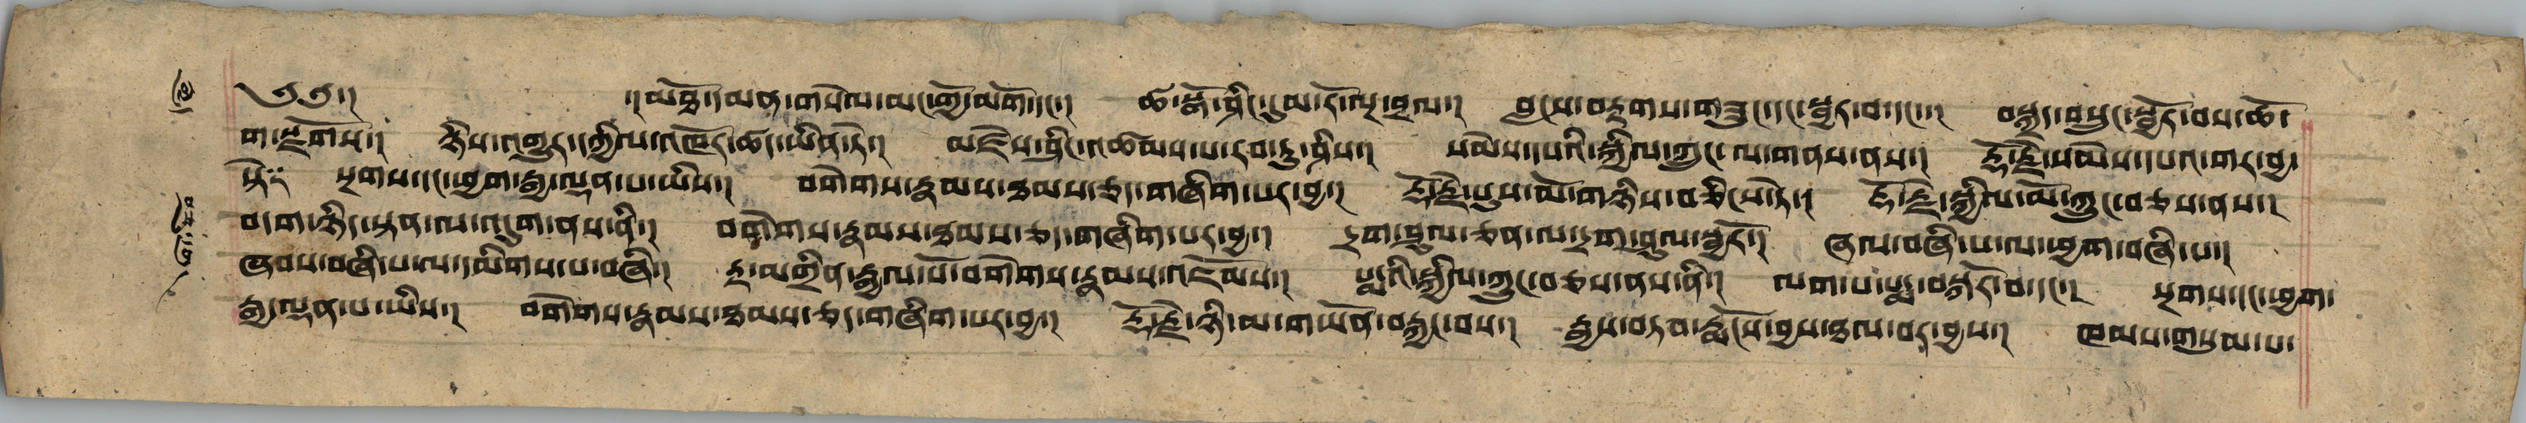༄༅་། ་།མཐོ་དམན་གསེལ་མང་གྱོ་མགོ་དང་་། ཚ་སྒོ་ཤིང་དུམ་རོ་ལྔ་བྲལ་། བླངས་བརྟགས་གཟུང་དང་སྦྱར་བ་དང་་། བསྐྲད་བསྲུང་སྦྱོར་བས་ཆོ་
ག་སྫོགས་། ཉིས་འགྱུར་དཀྱིལ་འཁོར་ཚད་ཡིན་ཏེ་། མཛེས་ཤིང་འཚམས་པ་རབ་ཏུ་ཤིས་། སེམས་དཔའི་སྐྱིལ་ཀྲུང་ལ་གནས་ནས་། རྡོ་རྗེ་སེམས་དཔའ་གར་བྱ་
སྟེ༑ སྔགས་དང་ཕྱག་རྒྱ་ལྡན་པ་ཡིས་།། བགེགས་རྣམས་ཐམས་ཅད་གཞིག་པར་བྱ་། རྡོ་རྗེ་པུས་མོ་གཉིས་བཅིངས་ཏེ་། རྡོ་རྗེ་སྐྱིལ་མོ་ཀྲུང་བཅས་ནས་།
བདག་ཉིད་སྟན་ལ་འདུག་ནས་ནི་། བགེགས་རྣམས་ཐམས་ཅད་གཞིག་པར་བྱ་། དྲག་ཤུལ་ཅན་ལ་དྲག་ཤུལ་སྦྱོར་། ཞལ་བཞི་པ་ལ་ཕྱག་བཞི་པ་།
ཞབས་བཞི་པ་ལ་དམིགས་པ་བཞི་། རྟ་མགྲིན་རྒྱལ་པོ་བགེགས་རྣམས་འཇོམས་། པདྨའི་སྐྱིལ་ཀྲུང་བཅས་ནས་ནི་། ལག་པ་པདྨ་བསྐོར་བ་དང་་། སྔགས་དང་ཕྱག་
རྒྱ་ལྡན་པ་ཡིས་། བགེགས་རྣམས་ཐམས་ཅད་གཞིག་པར་བྱ་། རྡོ་རྗེ་ཉི་མ་གཡོན་བརྐྱང་བས་། རྒྱས་བཏབ་རྨོངས་བྱས་ཐལ་བར་བྱས་། ཁམས་གསུམ་པ་